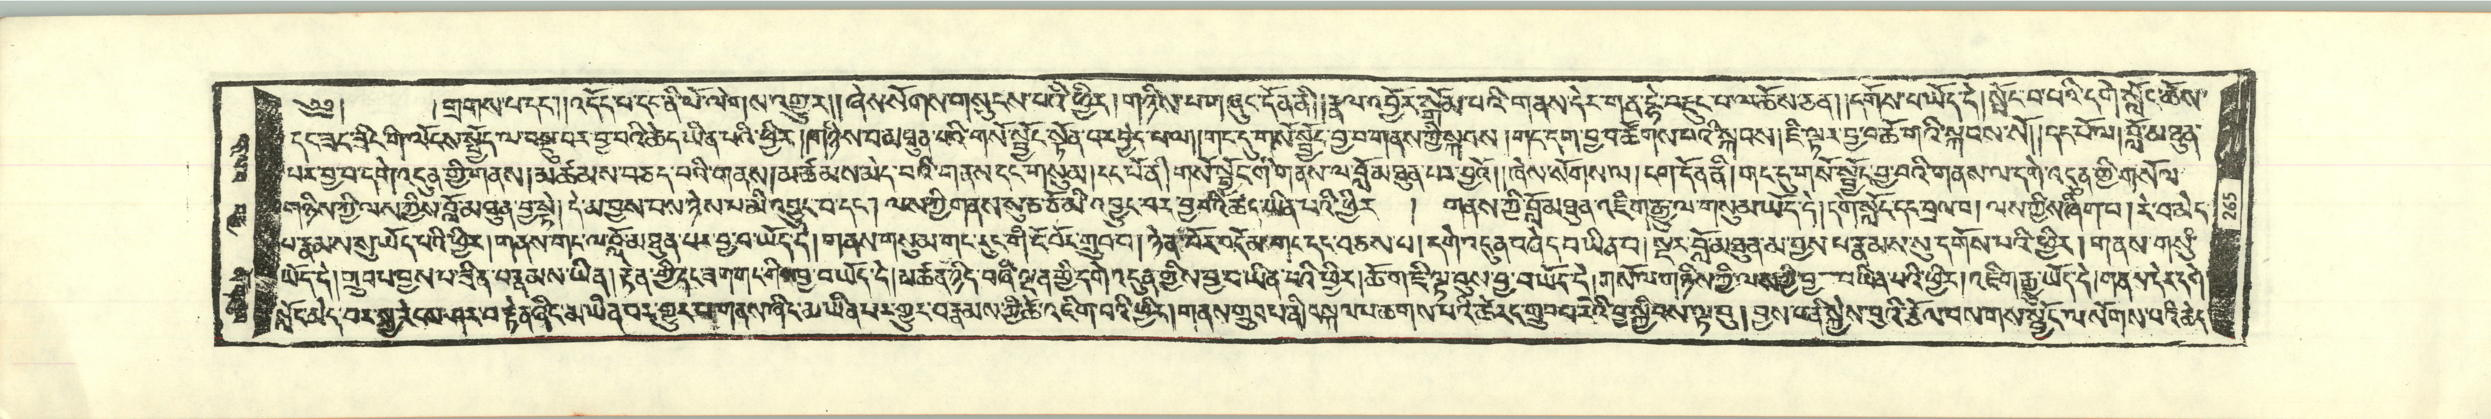༄༅། །གྲགས་པ་དང་། །འདོད་པ་དང་ནི་ལོ་ལེགས་འགྱུར། །ཞེས་སོགས་གསུངས་པའི་ཕྱིར། གཉིས་པ་གཞུང་དོན་ནི། །རྣལ་འབྱོར་སྒོམ་པའི་གནས་དེར་གན་དྷེ་བརྡུང་བ་ལ་ཆོས་ཅན། །དགོས་པ་ཡོད་དེ། སྤོང་བ་པའི་དགེ་སློང་ཆོས་
དང་ཟང་ཟིང་གི་ལོངས་སྤྱོད་ལ་བསྡུ་བར་བྱ་བའི་ཆེད་ཡིན་པའི་ཕྱིར། གཉིས་པ་མཐུན་པའི་གསོ་སྦྱོང་སྟོན་པར་བྱེད་པ་ལ། །གང་དུ་གསོ་སྦྱོང་བྱ་བ་གནས་ཀྱི་སྐབས། གང་དག་བྱ་བ་ཚོགས་པའི་སྐབས། ཇི་ལྟར་བྱ་བ་ཆོ་གའི་སྐབས་སོ། །དང་པོ་ལ། བློ་མཐུན་
པར་བྱ་བ་དགེ་འདུན་གྱི་གནས། མཚམས་བཅད་པའི་གནས། མཚམས་མེད་པའི་གནས་དང་གསུམ། དང་པོ་ནི། གསོ་སྦྱོང་གི་གནས་ལ་བློ་མཐུན་པར་བྱའོ། །ཞེས་སོགས་ལ། ངག་དོན་ནི། གང་དུ་གསོ་སྦྱོང་བྱ་བའི་གནས་ལ་དགེ་འདུན་གྱི་གསོལ་
གཉིས་ཀྱི་ལས་ཀྱིས་བློ་མཐུན་བྱ་སྟེ། དེ་མ་བྱས་པས་ཉེས་པ་མི་འབྱུང་བ་དང་། ལས་ཀྱི་གནས་སུ་ཅ་ཅོ་མི་འབྱུང་བར་བྱ་བའི་ཚད་ཡིན་པའི་ཕྱིར། གནས་ཀྱི་བློ་མཐུན་འཇིག་རྒྱུ་ལ་གསུམ་ཡོད་དེ། དགེ་སློང་དང་བྲལ་བ། ལས་ཀྱིས་ཞིག་པ། རེ་བ་མེད་
པ་རྣམས་སུ་ཡོད་པའི་ཕྱིར། གནས་གང་ལ་བློ་མཐུན་པར་བྱ་བ་ཡོད་དེ། གནས་གསུམ་གང་རུང་གི་ངོ་བོར་གྲུབ་པ། ཉེན་བོར་བདོམ་གང་དང་བཅས་པ། དགེ་འདུན་བཞེད་པ་ཡིན་པ། སྔར་བློ་མཐུན་མ་བྱས་པ་རྣམས་སུ་དགོས་པའི་ཕྱིར། གནས་གསུམ་
ཡོད་དེ། གྲུབ་པ་བྱས་པ་ཟིན་པ་རྣམས་ཡིན། རྟེན་གྱི་དང་ཟག་གང་གིས་བྱ་བ་ཡོད་དེ། མཚན་ཉིད་བཞི་ལྡན་གྱི་དགེ་འདུན་གྱིས་བྱ་བ་ཡིན་པའི་ཕྱིར། ཆོ་ག་ཇི་ལྟ་བུས་བྱ་བ་ཡོད་དེ། གསོལ་གཉིས་ཀྱི་ལས་ཀྱི་བྱ་བ་ཡིན་པའི་ཕྱིར། འཇིག་རྒྱུ་ཡོད་དེ། གནས་དེར་དགེ་
སློང་མེད་པར་སྐྱ་རེངས་ཤར་བརྟེན་ཞིང་མ་ཡིན་བར་གྱུར་པ་གནས་ཞིང་མ་ཡིན་པར་གྱུར་པ་རྣམས་ཀྱི་ཚེ་འཇིག་པའི་ཕྱིར། གནས་གྲུབ་པ་ནི། བསྐལ་པ་ཆགས་པའི་ཚེ་རང་གྲུབ་པ་རེའི་བྱ་སྐྱིབས་ལྟ་བུ། བྱས་པ་ནི་སྐྱེས་བུའི་རྩོལ་བསགས་སྦྱོང་ལ་སོགས་པའི་ཆེད་